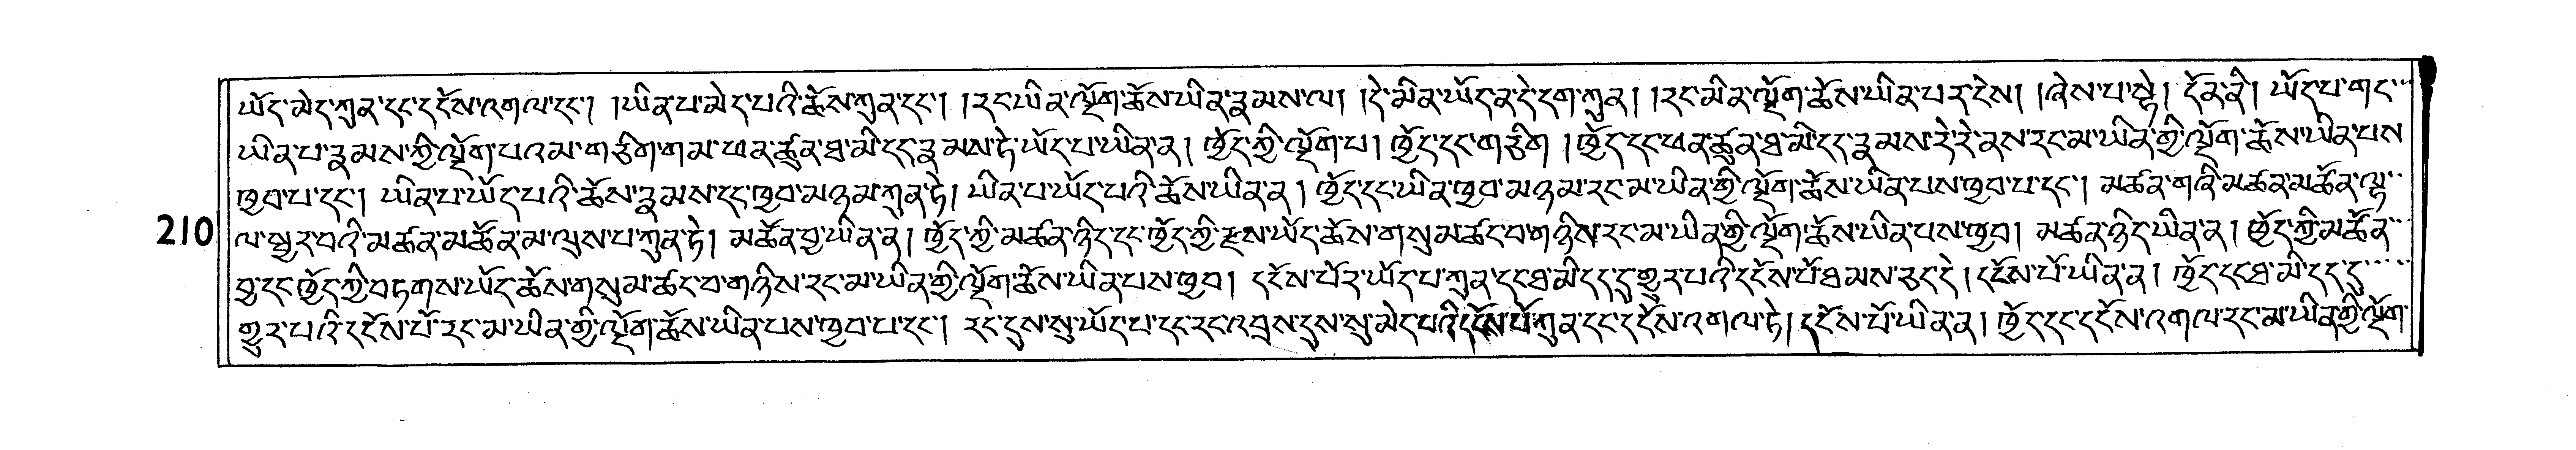ཡོད་མེད་ཀུན་དང་དངོས་འགལ་དང་། །ཡིན་པ་མེད་པའི་ཆོས་ཀུན་དང་། །རང་ཡིན་ལྡོག་ཆོས་ཡིན་རྣམས་ལ། །དེ་མིན་ཡོད་ན་དེ་དག་ཀུན། །རང་མིན་ལྡོག་ཆོས་ཡིན་པར་ངེས། །ཞེས་པ་སྟེ། དོན་ནི། ཡོད་པ་གང་
ཡིན་པ་རྣམས་ཀྱི་ལྡོག་པའམ་གཅིག་གམ་ཕན་ཚུན་ཐ་མི་དད་རྣམས་ཏེ་ཡོད་པ་ཡིན་ན། ཁྱོད་ཀྱི་ལྡོག་པ། ཁྱོད་དང་གཅིག །ཁྱོད་དང་ཕན་ཚུན་ཐ་མི་དད་རྣམས་རེ་རེ་ནས་རང་མ་ཡིན་གྱི་ལྡོག་ཆོས་ཡིན་པས་
ཁྱབ་པ་དང་། ཡིན་པ་ཡོད་པའི་ཆོས་རྣམས་དང་ཁྱབ་མཉམ་ཀུན་ཏེ། ཡིན་པ་ཡོད་པའི་ཆོས་ཡིན་ན། ཁྱོད་དང་ཡིན་ཁྱབ་མཉམ་རང་མ་ཡིན་གྱི་ལྡོག་ཆོས་ཡིན་པས་ཁྱབ་པ་དང་། མཚན་གཞི་མཚན་མཚོན་ལྟ་
ལ་སྦྱར་བའི་མཚན་མཚོན་མ་ལུས་པ་ཀུན་ཏེ། མཚོན་བྱ་ཡིན་ན། ཁྱོད་ཀྱི་མཚན་ཉིད་དང་ཁྱོད་ཀྱི་རྫས་ཡོད་ཆོས་གསུམ་ཚང་བ་གཉིས་རང་མ་ཡིན་གྱི་ལྡོག་ཆོས་ཡིན་པས་ཁྱབ། མཚན་ཉིད་ཡིན་ན། ཁྱོད་ཀྱི་མཚོན་
བྱ་དང་ཁྱོད་ཀྱི་བཏགས་ཡོད་ཆོས་གསུམ་ཚང་བ་གཉིས་རང་མ་ཡིན་གྱི་ལྡོག་ཆོས་ཡིན་པས་ཁྱབ། དངོས་པོར་ཡོད་པ་ཀུན་དང་ཐ་མི་དད་དུ་གྱུར་པའི་དངོས་པོ་ཐམས་ཅད་དེ། དངོས་པོ་ཡིན་ན། ཁྱོད་དང་ཐ་མི་དད་དུ་
གྱུར་པའི་དངོས་པོ་རང་མ་ཡིན་གྱི་ལྡོག་ཆོས་ཡིན་པས་ཁྱབ་པ་དང་། རང་དུས་སུ་ཡོད་པ་དང་རང་འབྲས་དུས་སུ་མེད་པའི་དངོས་པོ་ཀུན་དང་དངོས་འགལ་ཏེ། དངོས་པོ་ཡིན་ན། ཁྱོད་དང་དངོས་འགལ་རང་མ་ཡིན་གྱི་ལྡོག་